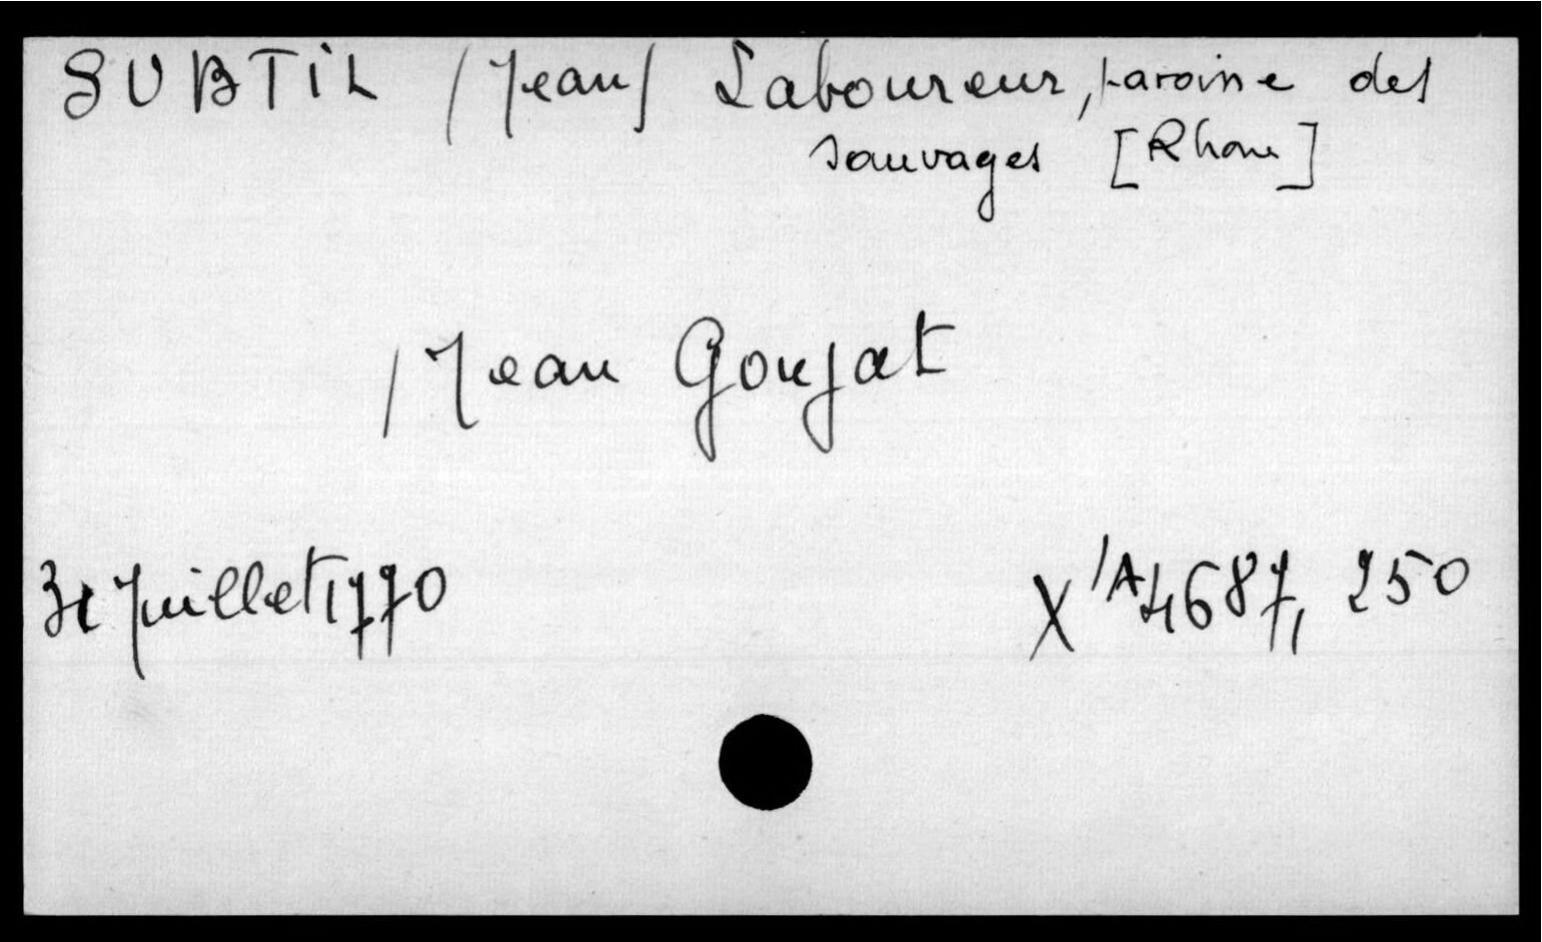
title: SUBTIL (Jean) Laboureur, paroisse des sauvages [Rhône]
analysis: Contre Jean Goujat
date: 31 juillet 1770
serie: X1A
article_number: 4687
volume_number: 250
